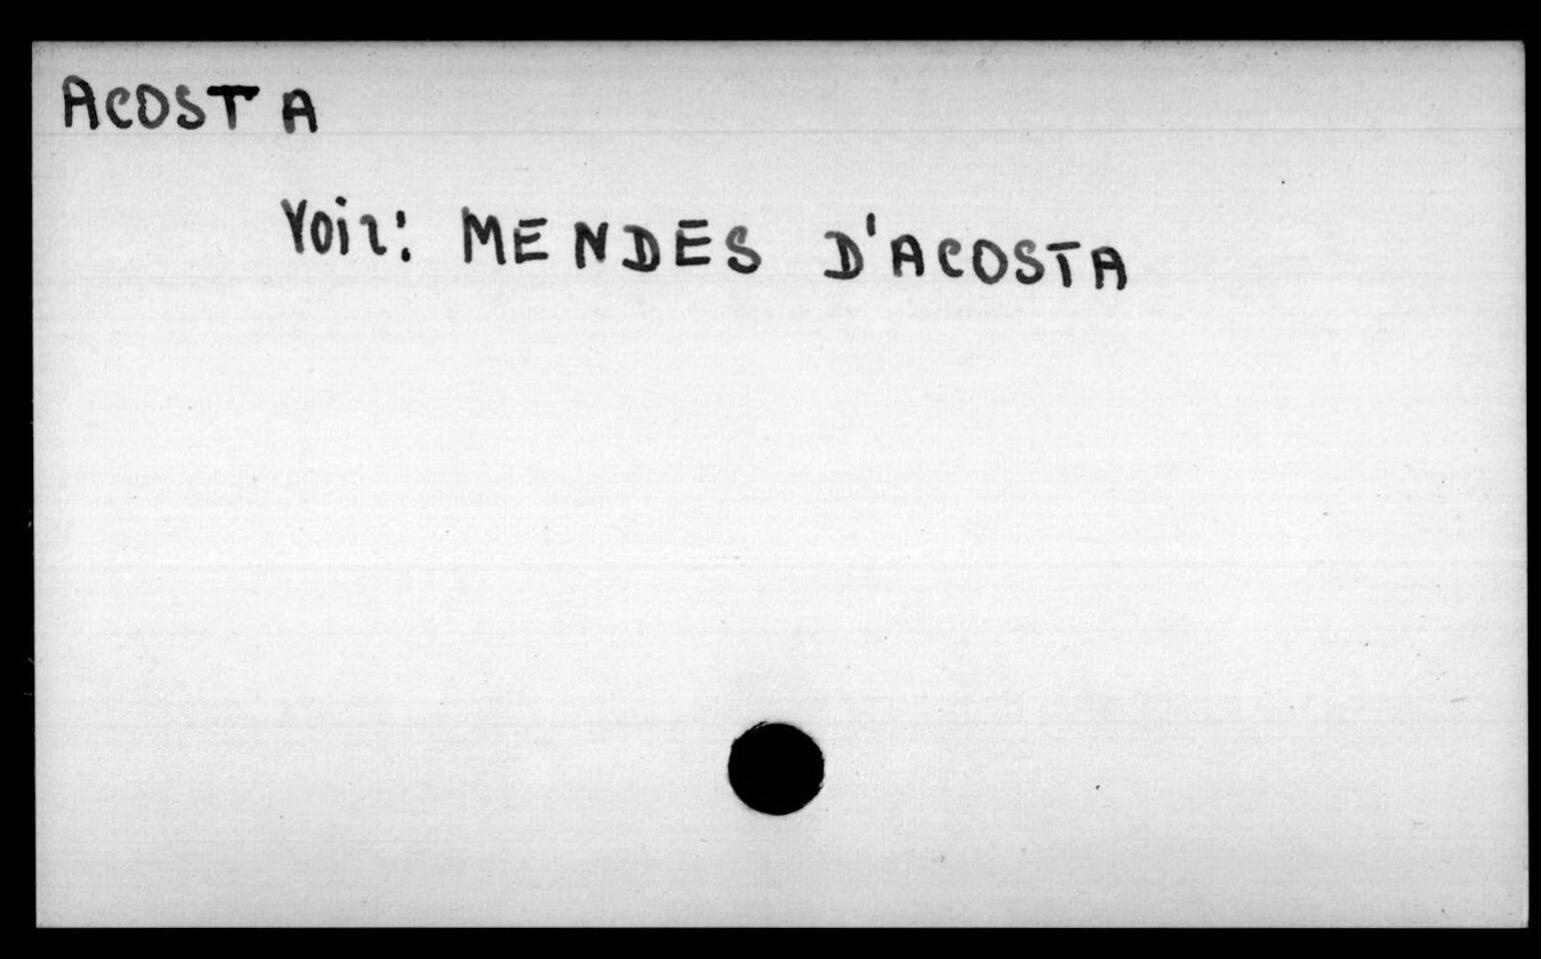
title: ACOSTA VOIR : MENDES D'ACOSTA
